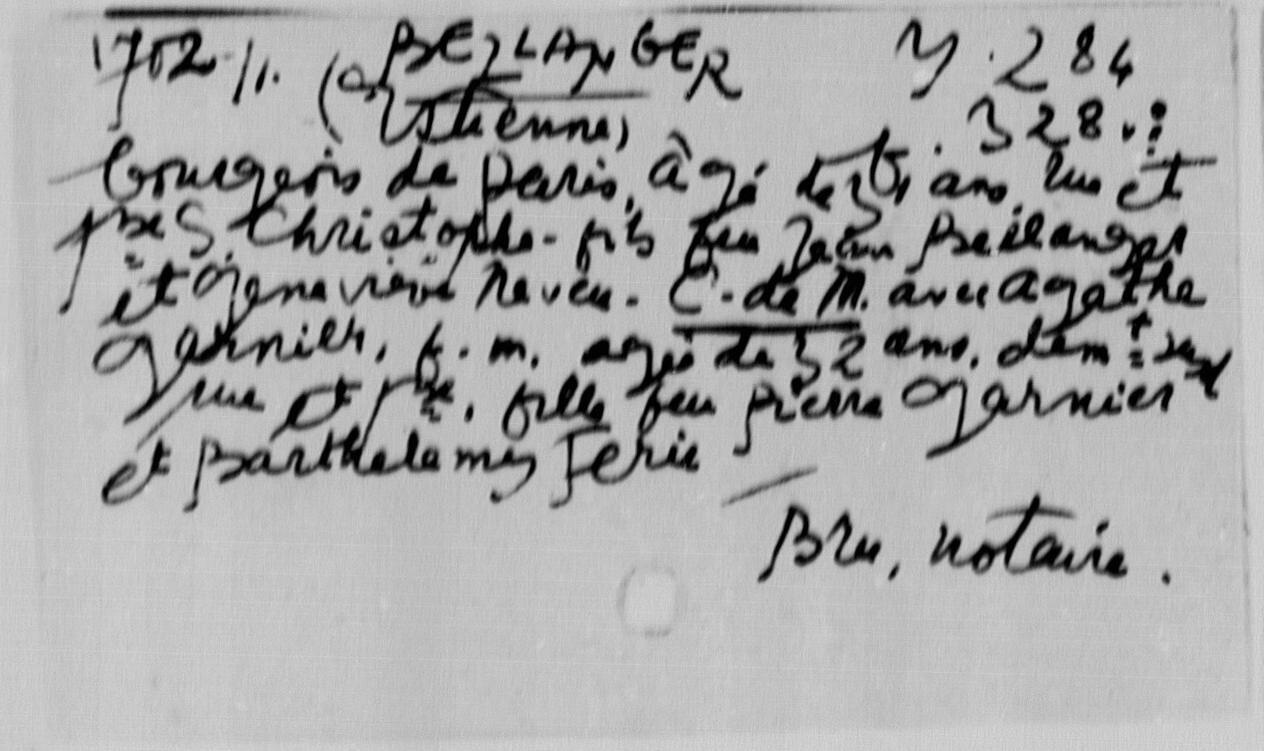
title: BELLANGER (Estienne)
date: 1702-1711
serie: Y
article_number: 284
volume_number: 328v
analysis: Bourgeois de Paris, âgé de 31 ans, rue et paroisse Saint-Christophe, fils feu Jean BELLANGER et Geneviève NEVEU. Contrat de mariage avec Agathe Garnier, fille majeure, âgée de 32 ans, demeurant susdites rue et paroisse, fille feu Pierre Garnier et Barthélemy Ferie. Bru, notaire.
